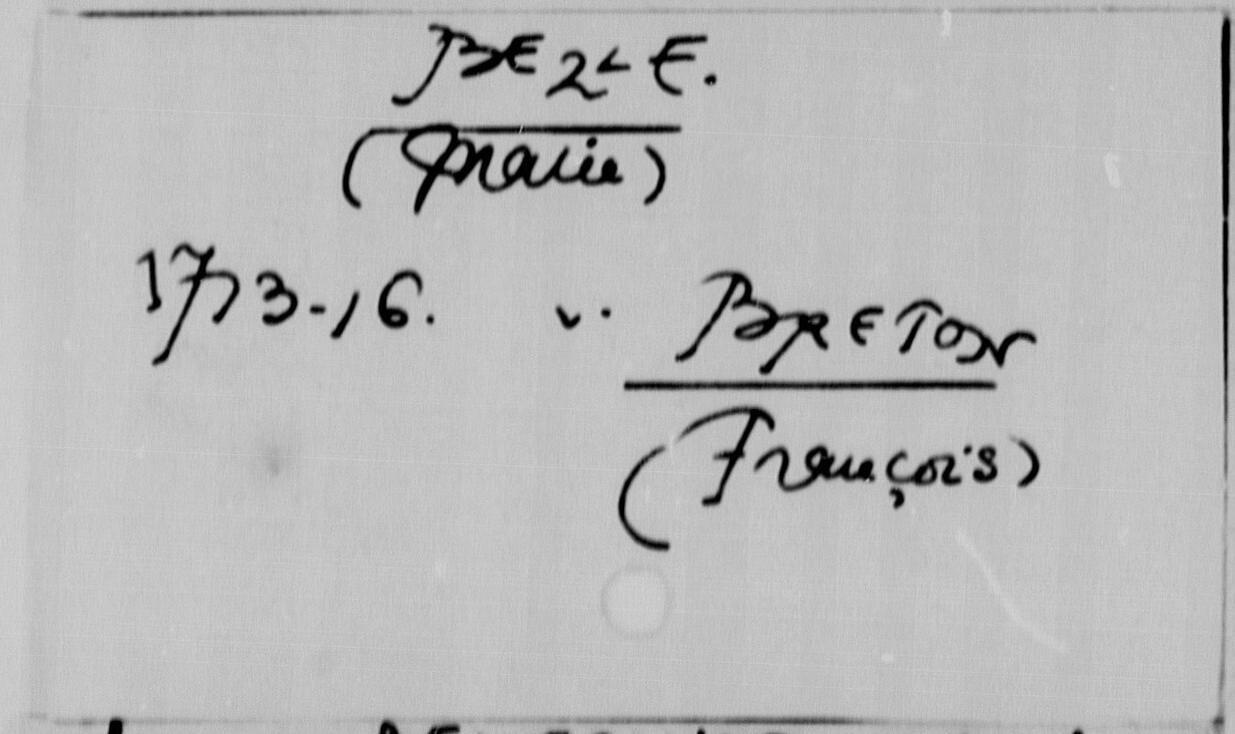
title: BELLE (Marie)
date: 1713-1716
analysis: Voir BRETON (François)
